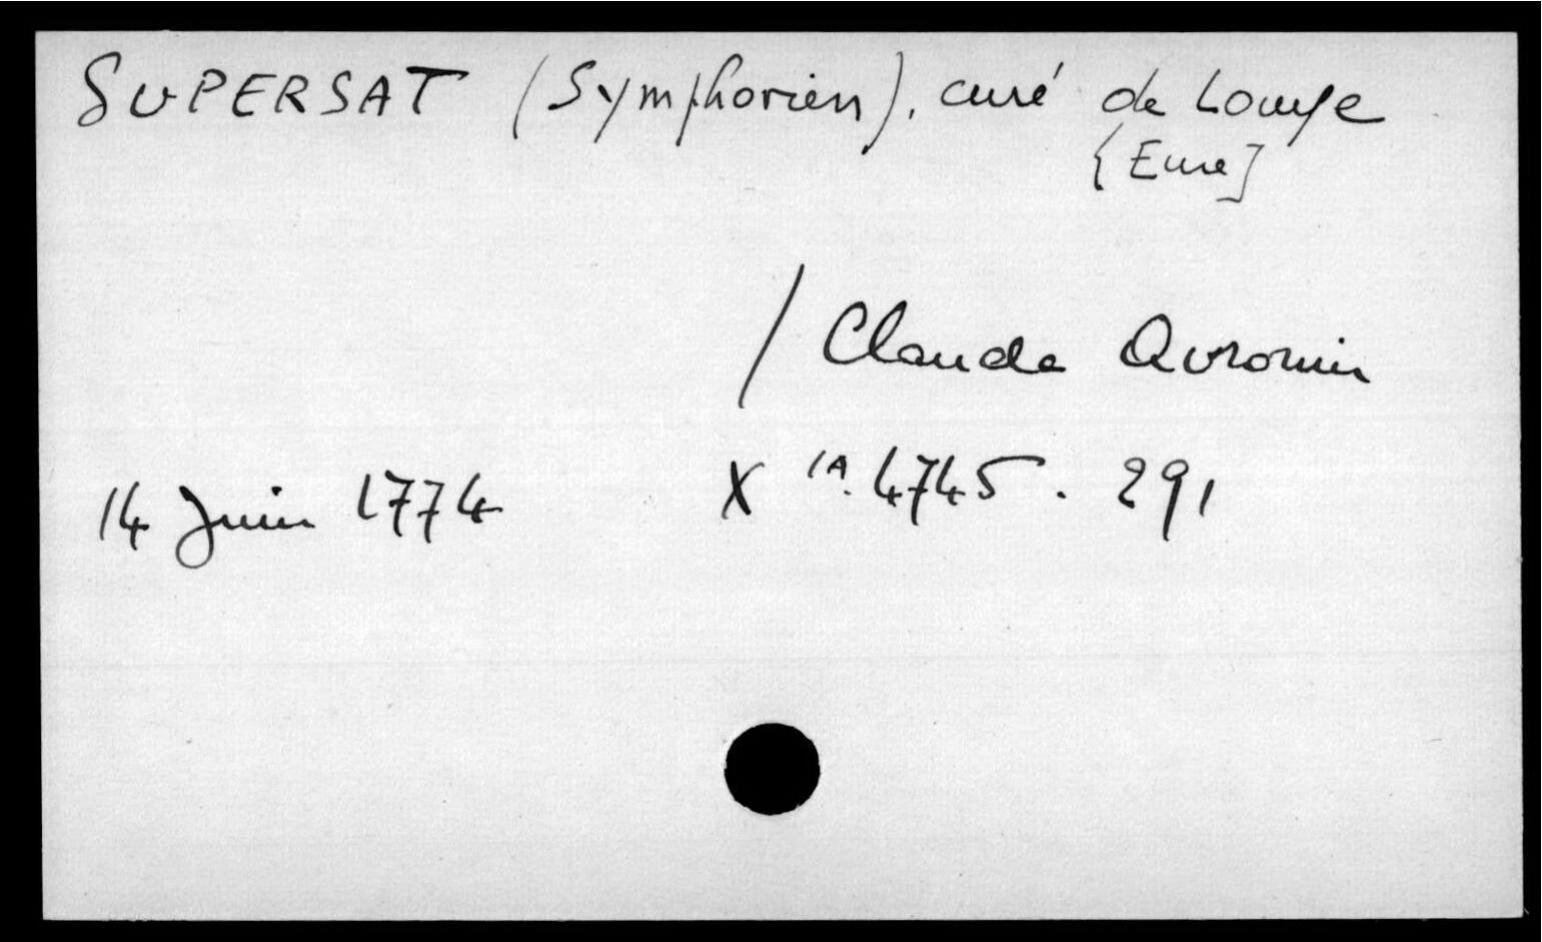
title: SUPERSAT (Symphorien), curé de Louye (Eure]
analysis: Contre Claude Avrouin
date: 14 juin 1774
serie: X1A
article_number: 4745
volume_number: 291
